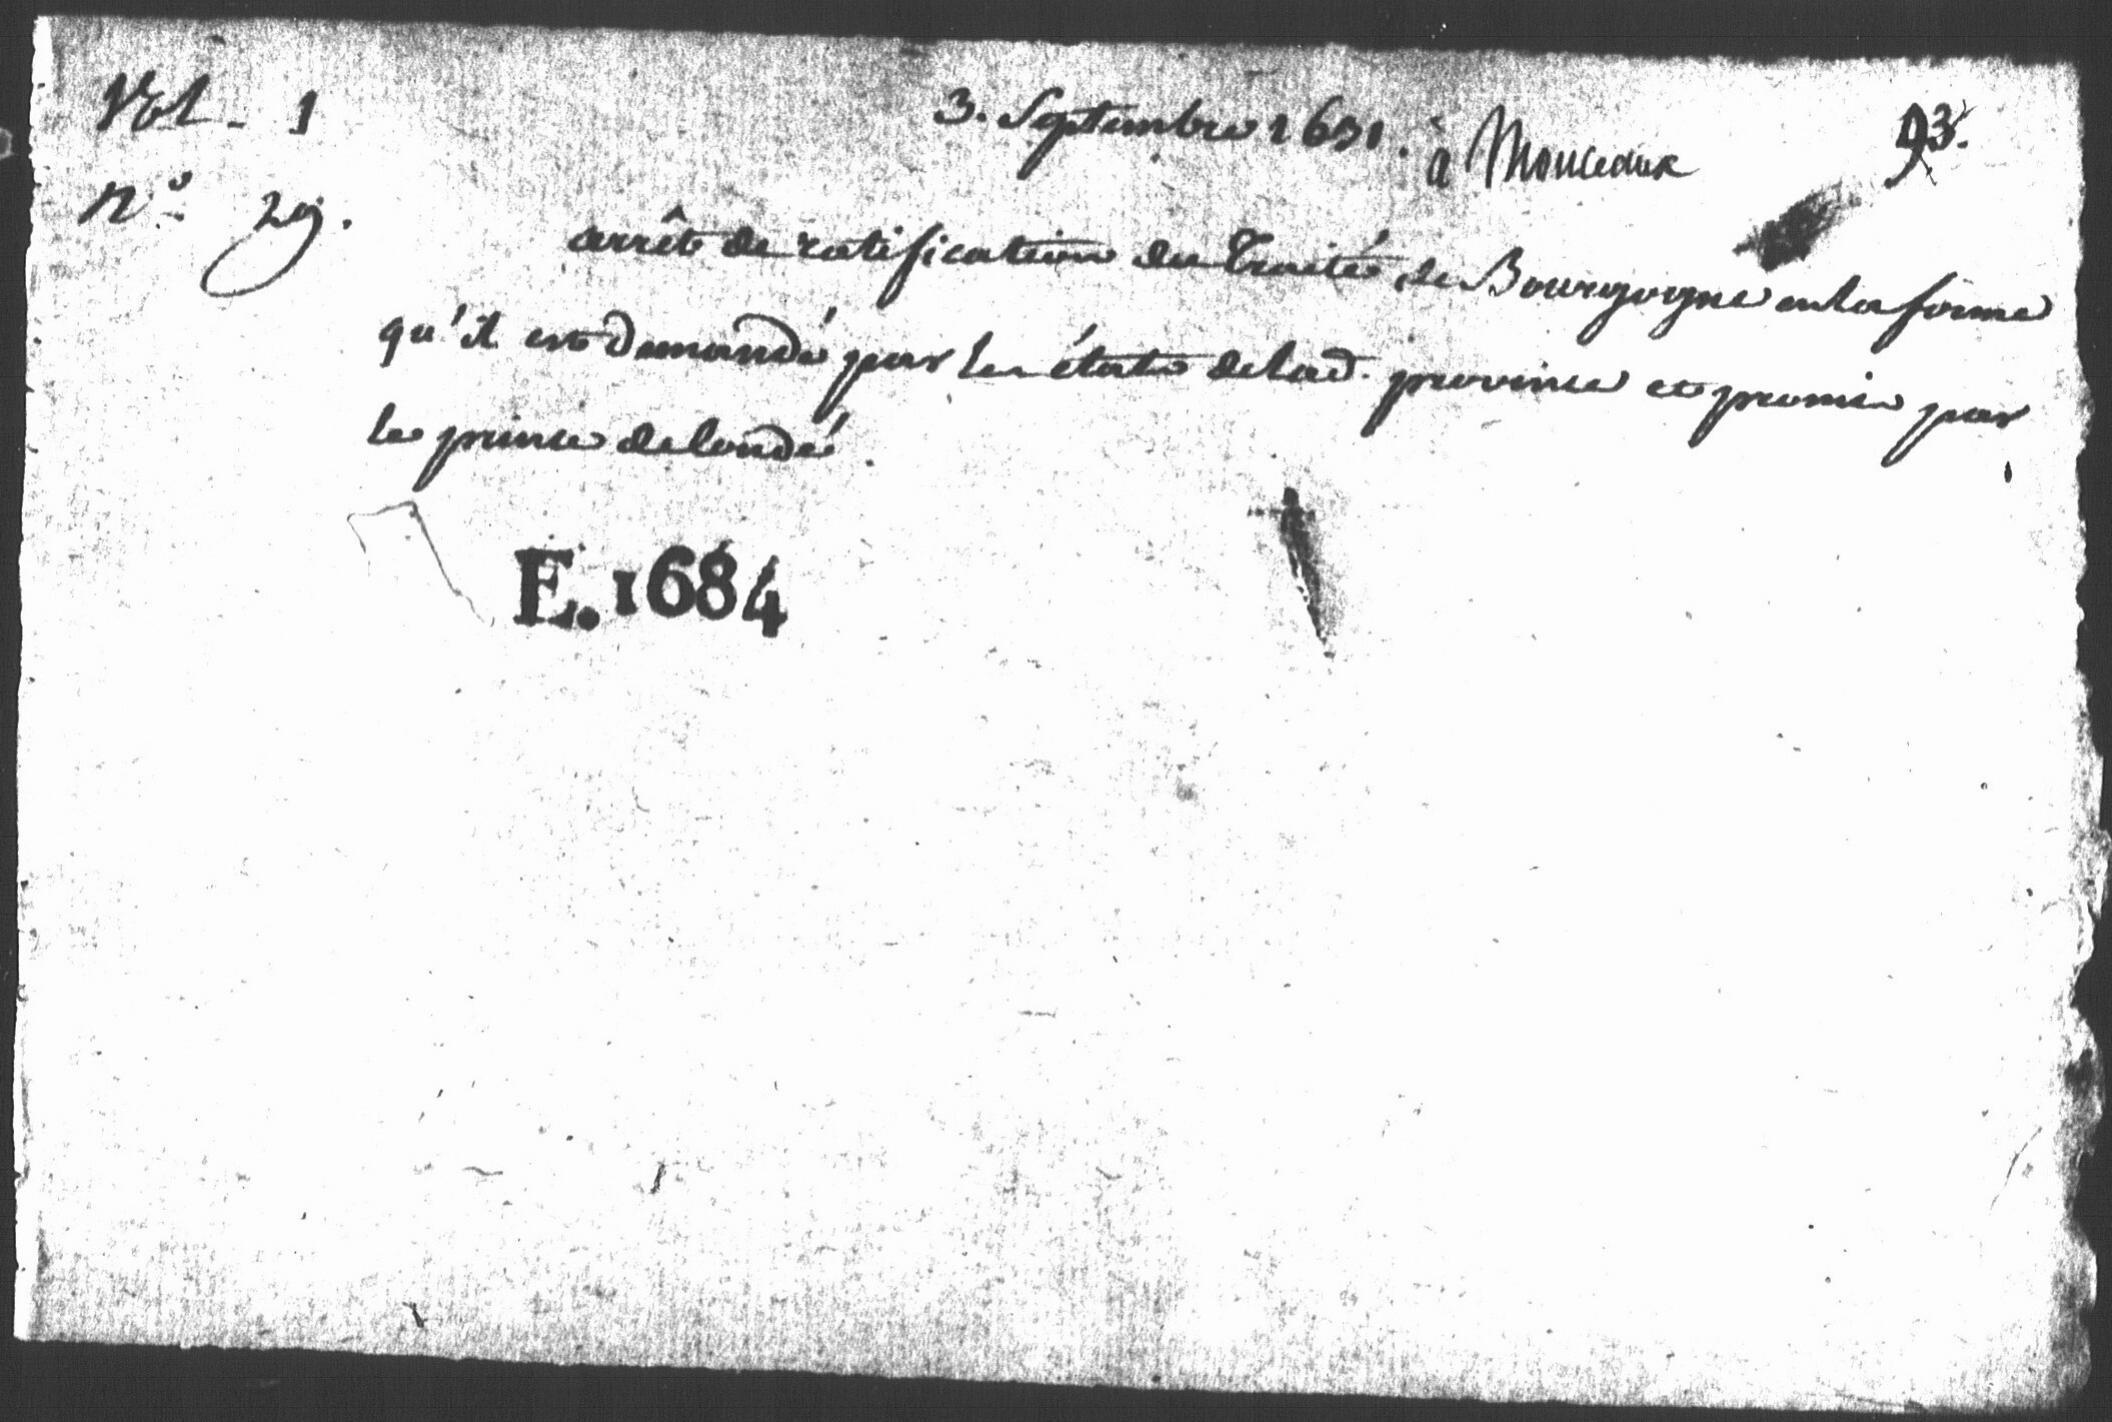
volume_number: n°29
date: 3 septembre 1631
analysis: à Monceaux 93
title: arrêt de ratification des traités de Bourgogne en la forme qu'il est demandé par les états delad. province et promis par le prince de Condé
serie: E
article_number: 1684
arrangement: vol. 1
